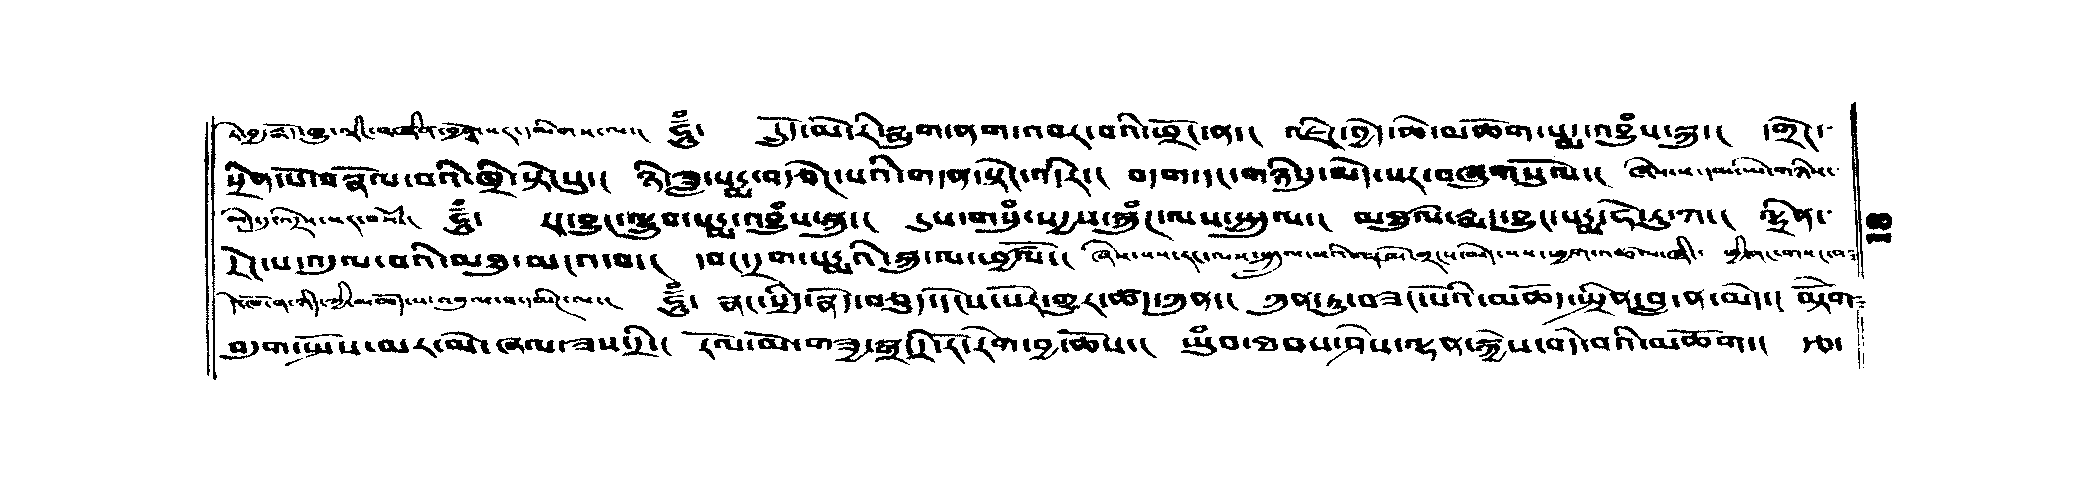ཏེ་བྱ་རྒོད་ཁྱུ་ལྡིང་བཞིན་བྱོན་པར་དམིགས་ལ། ཧཱུྃ། དུར་ཁྲོད་མེ་རིས་སྨུག་ནག་འབར་བའི་ཕོ་བྲང་ན། །འཇིགས་བྱེད་ཆེ་མཆོག་པདྨ་འབྱུང་གནས་སྐུ། །དགྲ་གེགས་
སྲིན་པོ་བསྣོལ་བའི་ཁྲི་སྟེང་དུ། །ཉི་ཟླ་པདྨ་བརྩེགས་པའི་གདན་སྟེང་འདིར། །བདག་དང་གཉིས་སུ་མེད་པར་བཞུགས་སུ་གསོལ། ། ཞེས་པ་དམ་ཡེ་གཉིས་
མེད་དུ་འདྲེས་པར་བསམ། ཧཱུྃ། རང་བྱུང་ལྷུན་གྲུབ་པདྨ་འབྱུང་གནས་སྐུ། །དུས་གསུམ་སངས་རྒྱས་སྐུ་གསུང་ཐུགས་ལས་སྤྲུལ། །མཐུ་རྩལ་རྨད་བྱུང་པདྨ་ཧེ་རུ་ཀ། །ལྷ་སྲིན་
དྲེགས་པ་འདུལ་བའི་མཐུ་མངའ་བ། །དབང་དྲག་པདྨའི་སྐུ་ལ་ཕྱག་འཚལ་ལོ། །ཞེས་པས་རང་ལས་སྤྲུལ་པའི་ལྷ་མོ་གྲངས་མེད་པས་ཕྱག་འཚལ་ཞིང་། ཕྱི་ནང་གསང་བ་
དེ་ཁོ་ན་ཉིད་ཀྱི་མཆོད་པ་འབུལ་བ་དམིགས་ལ། ཧཱུྃ། སྣང་སྲིད་སྣོད་བཅུད་དངོས་པོར་གྱུར་ཚད་ཀུན། །ཀུན་ཏུ་བཟང་པོའི་མཆོད་སྤྲིན་བླ་ན་མེད། །མེ་ཏོག་
བདུག་སྤོས་མར་མེ་ཞལ་ཟས་དྲི། །རོལ་མོ་གཟུགས་སྒྲ་དྲི་རོ་རེག་བྱ་ཆོས། །ཡབ་ཡུམ་ཐབས་ཤེས་ལྷན་སྐྱེས་བདེ་བའི་མཆོག་།རྩ་